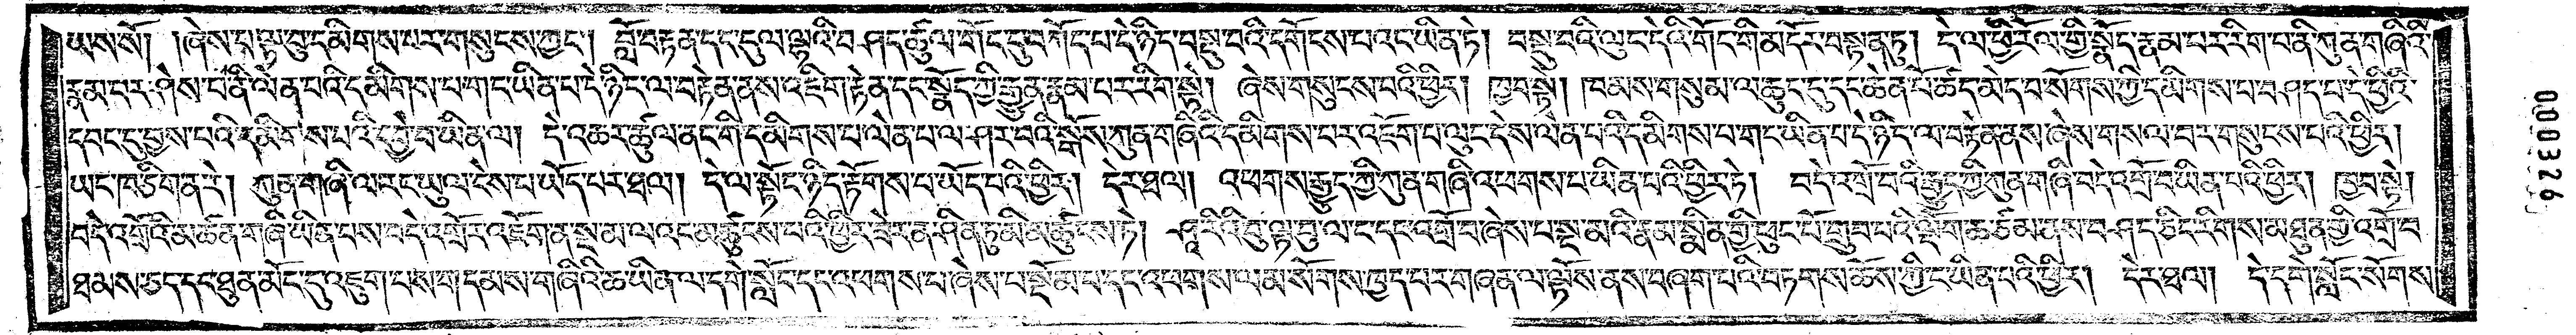ཡས་སོ། །ཞེས་པ་ལྟ་བུ་དམིགས་པར་གསུངས་ཀྱང་། བློ་བརྟན་དང་དུལ་ལྷའི་བཤད་ཚུལ་གོང་དུ་བཀོད་པ་དེ་ཉིད་བསྡུ་བའི་དགོངས་པའང་ཡིན་ཏེ། བསྡུ་བའི་ལུང་དེའི་གོང་གི་མདོར་བསྟན་ཏུ། དེ་ལ་ཕྱི་རོལ་གྱི་སྣོད་རྣམ་པར་རིག་པ་ནི་ཀུན་གཞིའི་
རྣམ་པར་ཤེས་པ་ནི་ལེན་པའི་དམིགས་པ་གང་ཡིན་པ་དེ་ཉིད་ལ་བརྟེན་ནས་འཇིག་རྟེན་དང་སྣོད་ཀྱི་རྒྱུན་རྣམ་པར་རིག་སྟེ། ཞེས་གསུངས་པའི་ཕྱིར། ཁྱབ་སྟེ། ཁམས་གསུམ་ལ་ཆུང་དུ་དང་ཆེན་པོ་ཚད་མེད་པ་སོགས་ཀྱི་དམིགས་པ་བཤད་པ་དེ་ཕྱིའི་
དབང་དུ་བྱས་པའི་དམིགས་པའི་དབྱེ་བ་ཡིན་ལ། དེ་འཆར་ཚུལ་ནང་གི་དམིགས་པ་ལེན་པ་ལ་ཤར་བའི་སྒོས་ཀུན་གཞིའི་དམིགས་པར་འཇོག་པ་ལུང་དེས་ལེན་པའི་དམིགས་པ་གང་ཡིན་པ་དེ་ཉིད་ལ་བརྟེན་ནས་ཞེས་གསལ་བར་གསུངས་པའི་ཕྱིར།
ཡང་ཁ་ཅིག་ན་རེ། ཀུན་གཞི་ལ་རང་ཡུལ་ངེས་པ་ཡོད་པར་ཐལ། དེ་ལ་སྟོང་ཉིད་རྟོགས་པ་ཡོད་པའི་ཕྱིར། དེར་ཐལ། འཕགས་རྒྱུད་ཀྱི་ཀུན་གཞི་འཕགས་པ་ཡིན་པའི་ཕྱིར་ཏེ། བདེ་འགྲོ་བའི་རྒྱུད་ཀྱི་ཀུན་གཞི་བདེ་འགྲོ་བ་ཡིན་པའི་ཕྱིར། ཁྱབ་སྟེ།
བདེ་འགྲོའི་མཚན་གཞི་ཡིན་པས་བདེ་འགྲོར་འཇོག་ན་སྔ་མ་ལའང་མཚུངས་པའི་ཕྱིར་ཟེར་ན་ཤིན་ཏུ་མི་མཚུངས་ཏེ། ཤཱ་རིའི་བུ་ལྟ་བུ་ལ་ང་དང་འགྲོ་བ་ཞེས་པ་སྔ་མའི་རྣམ་སྨིན་གྱི་ཕུང་པོ་གྲུབ་པའི་ལྡོག་ཆ་ཙམ་ནས་བཤད་ཅིང་རིགས་མཐུན་གྱི་འགྲོ་བ་
ཐམས་ཅད་དང་ཐུན་མོང་དུ་འཇུག་པས་གདམས་གཞིའི་ཆ་ཡིན་ལ་དགེ་སློང་དང་འཕགས་པ་ཞེས་པ་སྡོམ་པ་དང་འཕགས་ལམ་སོགས་ཁྱད་པར་གཞན་ལ་ལྟོས་ནས་བཞག་པའི་བཏགས་ཆོས་ཀྱི་ང་ཡིན་པའི་ཕྱིར། དེར་ཐལ། དེ་དགེ་སློང་སོགས་